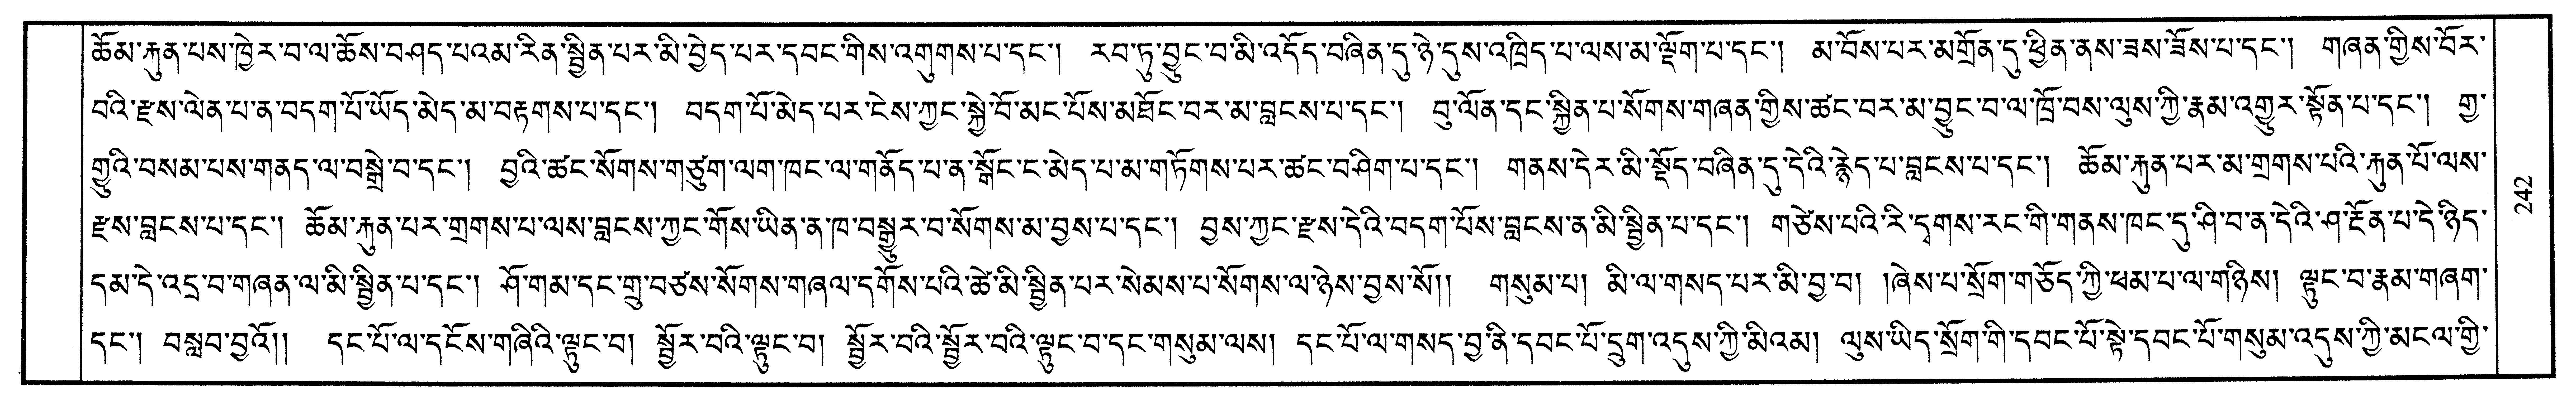ཆོམ་རྐུན་པས་ཁྱེར་བ་ལ་ཆོས་བཤད་པའམ་རིན་སྦྱིན་པར་མི་བྱེད་པར་དབང་གིས་འགུགས་པ་དང་། རབ་ཏུ་བྱུང་བ་མི་འདོད་བཞིན་དུ་ཉེ་དུས་འཁྲིད་པ་ལས་མ་ལྡོག་པ་དང་། མ་བོས་པར་མགྲོན་དུ་ཕྱིན་ནས་ཟས་ཟོས་པ་དང་། གཞན་གྱིས་བོར་
བའི་རྫས་ལེན་པ་ན་བདག་པོ་ཡོད་མེད་མ་བརྟགས་པ་དང་། བདག་པོ་མེད་པར་ངེས་ཀྱང་སྐྱེ་བོ་མང་པོས་མཐོང་བར་མ་བླངས་པ་དང་། བུ་ལོན་དང་སྐྱིན་པ་སོགས་གཞན་གྱིས་ཚང་བར་མ་བྱུང་བ་ལ་ཁྲོ་བས་ལུས་ཀྱི་རྣམ་འགྱུར་སྟོན་པ་དང་། གྱ་
གྱུའི་བསམ་པས་གནད་ལ་བསྒྲེ་བ་དང་། བྱའི་ཚང་སོགས་གཙུག་ལག་ཁང་ལ་གནོད་པ་ན་སྒོང་ང་མེད་པ་མ་གཏོགས་པར་ཚང་བཤིག་པ་དང་། གནས་དེར་མི་སྡོད་བཞིན་དུ་དེའི་རྙེད་པ་བླངས་པ་དང་། ཆོམ་རྐུན་པར་མ་གྲགས་པའི་རྐུན་པོ་ལས་
རྫས་བླངས་པ་དང་། ཆོམ་རྐུན་པར་གྲགས་པ་ལས་བླངས་ཀྱང་གོས་ཡིན་ན་ཁ་བསྒྱུར་བ་སོགས་མ་བྱས་པ་དང་། བྱས་ཀྱང་རྫས་དེའི་བདག་པོས་བླངས་ན་མི་སྦྱིན་པ་དང་། གཙེས་པའི་རི་དྭགས་རང་གི་གནས་ཁང་དུ་ཤི་བ་ན་དེའི་ཤ་རྔོན་པ་དེ་ཉིད་
དམ་དེ་འདྲ་བ་གཞན་ལ་མི་སྦྱིན་པ་དང་། ཤོ་གམ་དང་གྲུ་བཙས་སོགས་གཞལ་དགོས་པའི་ཚེ་མི་སྦྱིན་པར་སེམས་པ་སོགས་ལ་ཉེས་བྱས་སོ།། གསུམ་པ། མི་ལ་གསད་པར་མི་བྱ་བ། །ཞེས་པ་སྲོག་གཅོད་ཀྱི་ཕམ་པ་ལ་གཉིས། ལྟུང་བ་རྣམ་གཞག་
དང་། བསླབ་བྱའོ།། དང་པོ་ལ་དངོས་གཞིའི་ལྟུང་བ། སྦྱོར་བའི་ལྟུང་བ། སྦྱོར་བའི་སྦྱོར་བའི་ལྟུང་བ་དང་གསུམ་ལས། དང་པོ་ལ་གསད་བྱ་ནི་དབང་པོ་དྲུག་འདུས་ཀྱི་མིའམ། ལུས་ཡིད་སྲོག་གི་དབང་པོ་སྟེ་དབང་པོ་གསུམ་འདུས་ཀྱི་མངལ་གྱི་